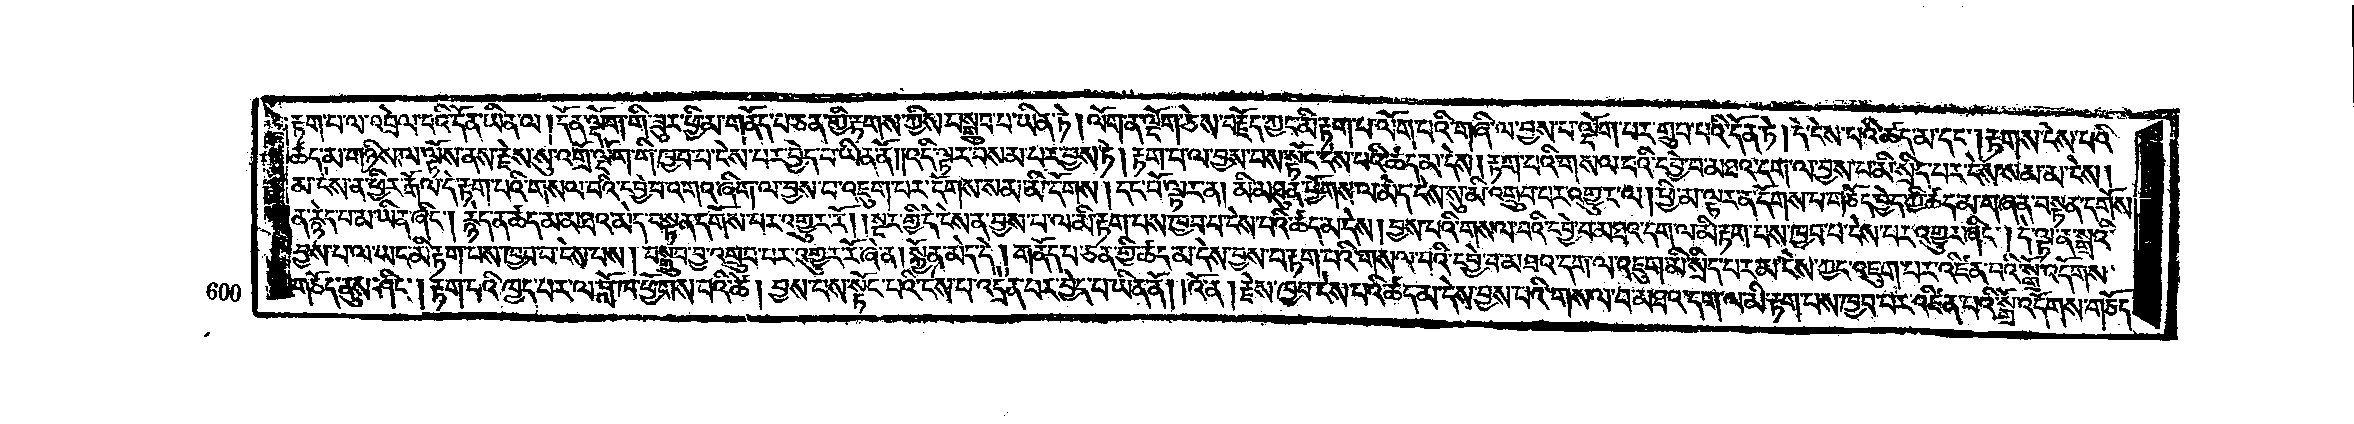རྟག་པ་ལ་འབྲེལ་པའི་དོན་ཡིན་ལ། དོན་ལྡོག་གི་ཟུར་ཕྱི་མ་གནོད་པ་ཅན་གྱི་རྟགས་ཀྱིས་བསྒྲུབ་པ་ཡིན་ཏེ། ལོག་ན་ལྡོག་ཅེས་བརྗོད་ཀྱང་མི་རྟག་པ་ལོག་པའི་གཞི་ལ་བྱས་པ་ལྡོག་པར་གྲུབ་པའི་དོན་ཏེ། དེ་ངེས་པའི་ཚད་མ་དང་། རྟགས་ངེས་པའི་
ཚད་མ་གཉིས་ལ་ལྟོས་ནས་རྗེས་སུ་འགྲོ་ལྡོག་གི་ཁྱབ་པ་ངེས་པར་བྱེད་པ་ཡིན་ནོ། །འདི་ལྟར་བསམ་པར་བྱས་ཏེ། རྟག་པ་ལ་བྱས་པས་སྟོང་ངེས་པའི་ཚད་མ་དེས། རྟག་པའི་གསལ་བའི་དབྱེ་བ་མཐའ་དག་ལ་བྱས་པ་མི་སྲིད་པར་ངེས་སམ་མ་ངེས།
མ་ངེས་ན་ཕྱིར་རྒོལ་དེ་རྟག་པའི་གསལ་བའི་དབྱེ་བ་འགའ་ཞིག་ལ་བྱས་པ་འཇུག་པར་དོག་པར་དོགས་སམ་མི་དོགས། དང་པོ་ལྟར་ན་མི་མཐུན་ཕྱོགས་ལ་མེད་ངེས་སུ་མི་འགྲུབ་པར་འགྱུར་ལ། ཕྱི་མ་ལྟར་ན་དོགས་པ་གཅོད་བྱེད་ཀྱི་ཚད་མ་གཞན་བསྟན་དགོས།
ན་རྙེད་པ་མ་ཡིན་ཞིང་། རྙེད་ན་ཚད་མ་མཐའ་མེད་བསྟན་དགོས་པར་འགྱུར་རོ། །སྔར་གྱི་དེ་ངེས་ན་བྱས་པ་ལ་མི་རྟག་པས་ཁྱབ་པ་ངེས་པའི་ཚད་མ་དེས། །བྱས་པའི་གསལ་བའི་དབྱེ་བ་མཐའ་དག་ལ་མི་རྟག་པས་ཁྱབ་པར་ངེས་པར་འགྱུར་ཞིང་། དེ་ལྟ་ན་སྒྲའི་
བྱས་པ་ལ་ཡང་རྟག་པས་ཁྱབ་པ་ངེས་པས། བསྒྲུབ་བྱ་འགྲུབ་པར་འགྱུར་རོ་ཞེ་ན། སྐྱོན་མེད་དེ། གནོད་པ་ཅན་གྱི་ཚད་མ་དེས་བྱས་པ་རྟག་པའི་གསལ་བའི་དབྱེ་བ་མཐའ་དག་ལ་འཇུག་མི་སྲིད་པར་མ་ངེས་ཀྱང་འཇུག་པར་འཛིན་པའི་སྒྲོ་འདོགས་
གཅོད་ནུས་ཤིང་། རྟག་པའི་ཁྱད་པར་ལ་བློ་ཁ་ཕྱོགས་པའི་ཚེ། བྱས་པས་སྟོང་པའི་ངེས་པ་འདྲེན་པར་བྱེད་པ་ཡིན་ནོ། །འོ་ན། རྗེས་ཁྱབ་ངེས་པའི་ཚད་མ་དེས་བྱས་པའི་གསལ་བ་མཐའ་དག་ལ་མི་རྟག་པས་ཁྱབ་པར་འཛིན་པའི་སྒྲོ་འདོགས་གཅོད་